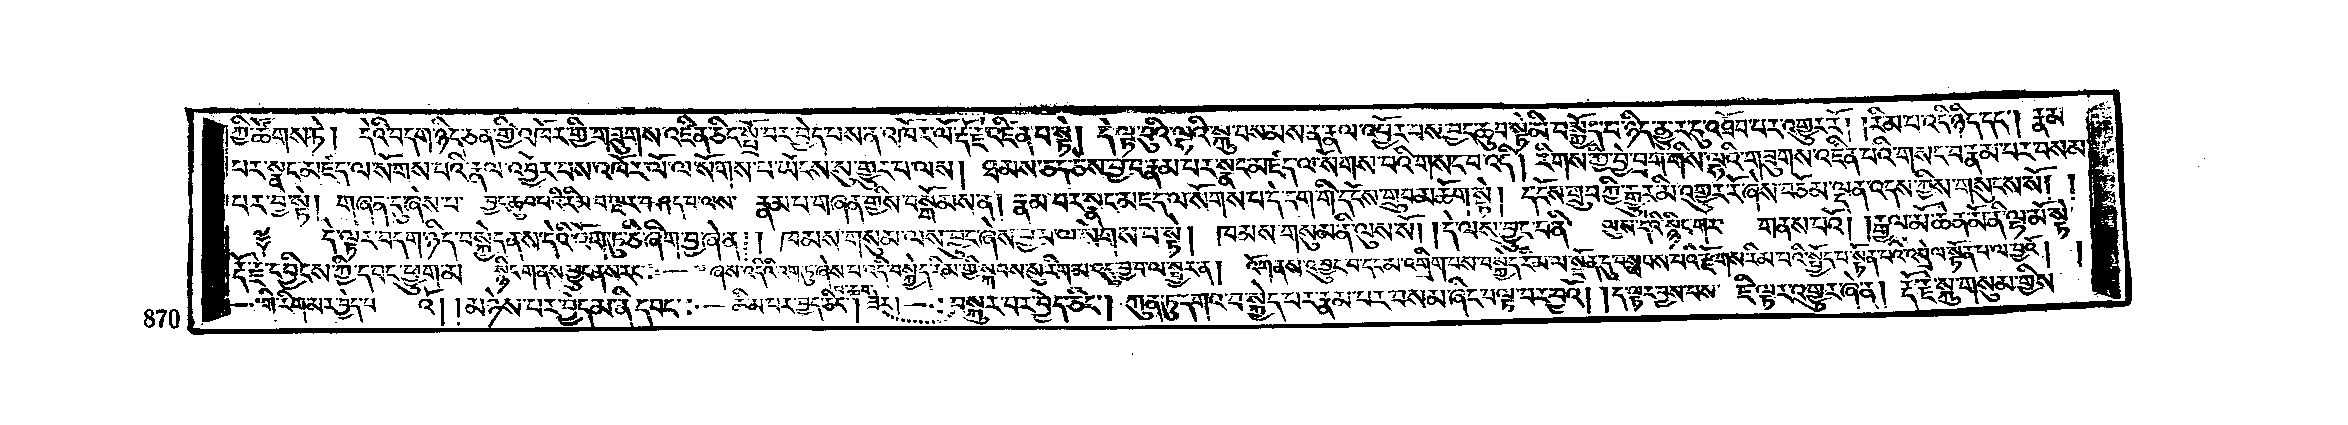ཀྱི་ཚོགས་ཏེ། དེའི་བདག་ཉིད་ཅན་གྱི་འཁོར་གྱི་གཟུགས་འཛིན་ཅིང་སྤྲོ་བར་བྱེད་པས་ན་འཁོར་ལོ་རྡོ་རྗེ་འཛིན་པ་སྟེ། དེ་ལྟ་བུའི་ལྷའི་སྐུ་བསམས་ན་རྣལ་འབྱོར་པས་བྱང་ཆུབ་སྟེ་མི་བསྐྱོད་པ་ཉིད་མྱུར་དུ་འཐོབ་པར་འགྱུར་རོ། །རིམ་པ་འདི་ཉིད་དང་། རྣམ་
པར་སྣང་མཛད་ལ་སོགས་པའི་རྣལ་འབྱོར་པས་འཁོར་ལོ་ལ་སོགས་པ་ཡོངས་སུ་གྱུར་པ་ལས། ཐམས་ཅད་ཅེས་བྱ་བ་རྣམ་པར་སྣང་མཛད་ལ་སོགས་པའི་གསང་བ་འདི། རིགས་ཀྱི་བྱེ་བྲག་གིས་ལྷའི་གཟུགས་འཛིན་པའི་གསང་བ་རྣམ་པར་བསམ་
པར་བྱ་སྟེ། གཞན་དུ་ཞེས་པ་བྱང་ཆུབ་པའི་རིམ་པ་ལྔར་བཤད་པ་ལས་རྣམ་པ་གཞན་གྱིས་བསྒོམས་ན། རྣམ་པར་སྣང་མཛད་ལ་སོགས་པ་དེ་དག་གི་དངོས་གྲུབ་མཆོག་སྟེ། དངོས་གྲུབ་ཀྱི་རྒྱུར་མི་འགྱུར་རོ་ཞེས་བཅོམ་ལྡན་འདས་ཀྱིས་གསུངས་སོ། །
༈ དེ་ལྟར་བདག་ཉིད་བསྐྱེད་ནས་དེའི་འོག་ཏུ་ཅི་ཞིག་བྱ་ཞེ་ན། ཁམས་གསུམ་ལས་བྱུང་ཞེས་བྱ་བ་ལ་སོགས་པ་སྟེ། ཁམས་གསུམ་ནི་ལུས་སོ། །དེ་ལས་བྱུང་བ་ནི་ལུས་དེའི་སྙིང་གར་གནས་པའོ། །རྒྱལ་མོ་ཆེན་མོ་ནི་ལྷ་མོ་སྟེ་
རྡོ་རྗེ་དབྱིངས་ཀྱི་དབང་ཕྱུག་མ་སྙིང་གནས་ཕྱུང་ནས་རངཿ་༧ཞས་འདིའི་འོག་ཏུ་ཞེས་པ་འདི་བསྐྱེད་རིམ་གྱི་སྐབས་སུ་རིག་མ་འདུ་བྱ་བ་ལ་སྦྱར་ན། འོག་ནས་འབྱུང་བ་དང་མ་འགྲིག་པས་བསྐྱེད་རིམ་ལ་སྔོན་དུ་བསླབས་པའི་རྫོགས་རིམ་པའི་སྤྱོད་པ་སྟོན་པའི་འབྲེལ་སྟོན་པ་ལ་བྱའོ། །
.Hགི་རིག་མར་བྱེད་པའོ། །མཉེས་པར་བྱེད་མ་ནི་དབངཿ་ཚིམ་པར་བྱད་ཅིང་། པ་ཚབ་ཟེར།  .Hབསྐུར་བར་བྱེད་ཅིང་། ཀུན་ཏུ་དགའ་བ་སྐྱེད་པར་རྣམ་པར་བསམ་ཞིང་བལྟ་བར་བྱའོ། ། དེ་ལྟར་བྱས་པས་ཇི་ལྟར་འགྱུར་ཞེ་ན། རྡོ་རྗེ་སྐུ་གསུམ་གྱིས་